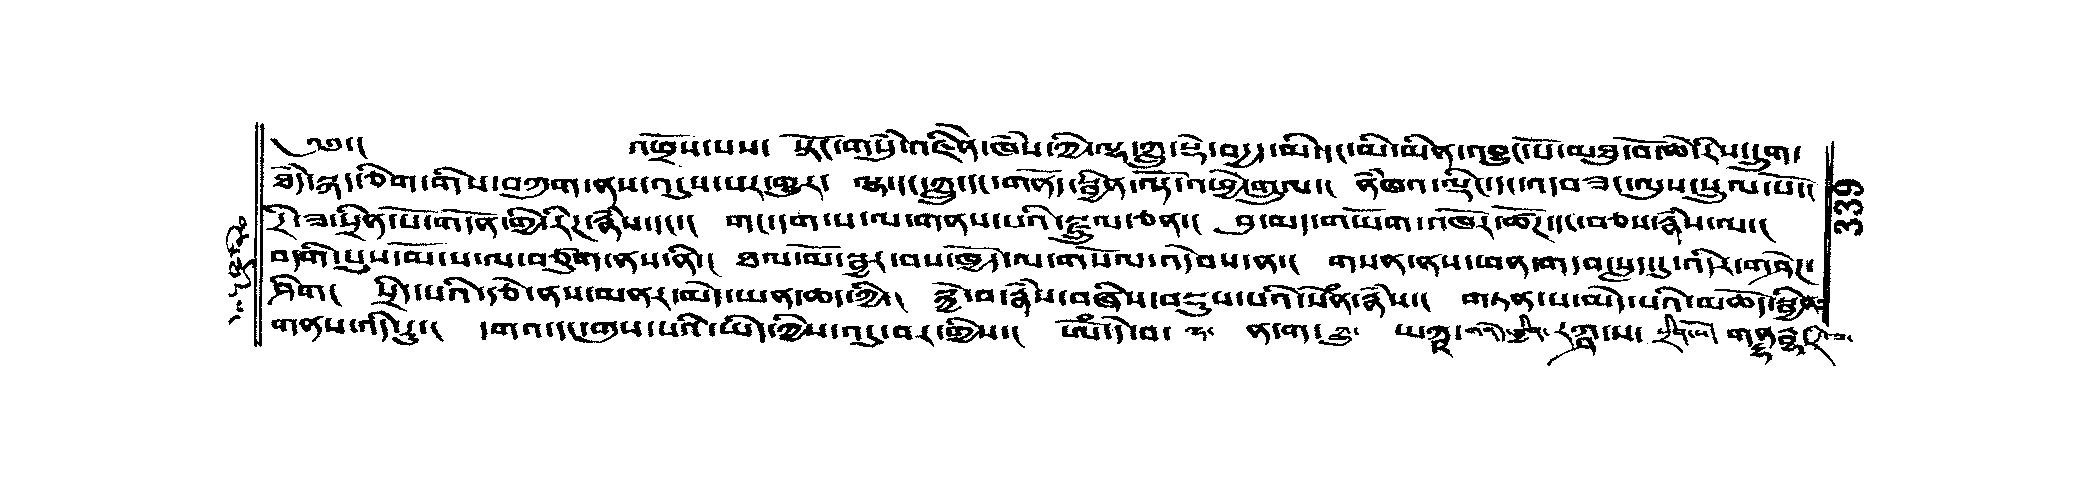འཕྲོས་པས་སྟོང་གསུམ་འཇིག་རྟེན་ཁམས་ཀྱི་ལྷ་ཀླུ་སྡེ་བརྒྱད་མི་དང་མི་མིན་འབྱུང་པོ་མཐུ་བོ་ཆེ་རིགས་དྲུག་
ཐམས་ཅད་སྐད་ཅིག་གིས་བཀག་ནས་འདུས་པར་གྱུར། ལྷ་དང་ཀླུ་དང་གནོད་སྦྱིན་ལྟོ་འཕྱེ་གྲུལ། །ནམ་མཁའ་ལྡིང་དང་འདབ་བཟང་ལུས་སྲུལ་པོ། 
དྲི་ཟ་སྲིན་པོ་གདོན་གྱི་རིགས་རྣམས་དང་། །གང་དག་ས་ལ་གནས་པའི་རྫུ་འཕྲུལ་ཅན། །བུ་མད་གཡོག་འཁོར་ཚོགས་དང་བཅས་རྣམས་ལ། །
བདག་གི་པུས་མོ་ས་ལ་བཙུག་ནས་ནི། །ཐལ་མོ་སྦྱར་བས་ཁྱོད་ལ་གསོལ་འདེབས་ན། །གསན་ནས་ཕན་གདགས་སླད་དུ་འདིར་གཤེགས་
ཤིག །སྲིད་པའི་རྩེ་ནས་མནར་མེད་ཡན་ཆད་ཀྱི། །སྐྱེ་བ་རྣམ་བཞིས་བསྡུས་པའི་སེམས་ཅན་རྣམས། །གཏན་པ་མེད་པའི་མཆོད་སྦྱིན་
གནས་འདི་རུ། །དགའ་དང་གུས་པའི་ཡིད་ཀྱིས་འདུ་བར་གྱིས། ཨོཾ་དཱེ་བ། ན་ག ཡཀྵ། གྷནྡྷརྦྷ། ཨ་སུ་ར། ག་རུ་ཌ།ཀིནྣ་ར། མ་ཧོ་ར་ག མ་ནུར་དྱ། སརྦ་ཤུ་ཏ། པྲེ་ཏ། ཨ་ནྲྀ་སུ་ཏྲི་པྲེ་དུ་ཛཿ ས་པ་རི་